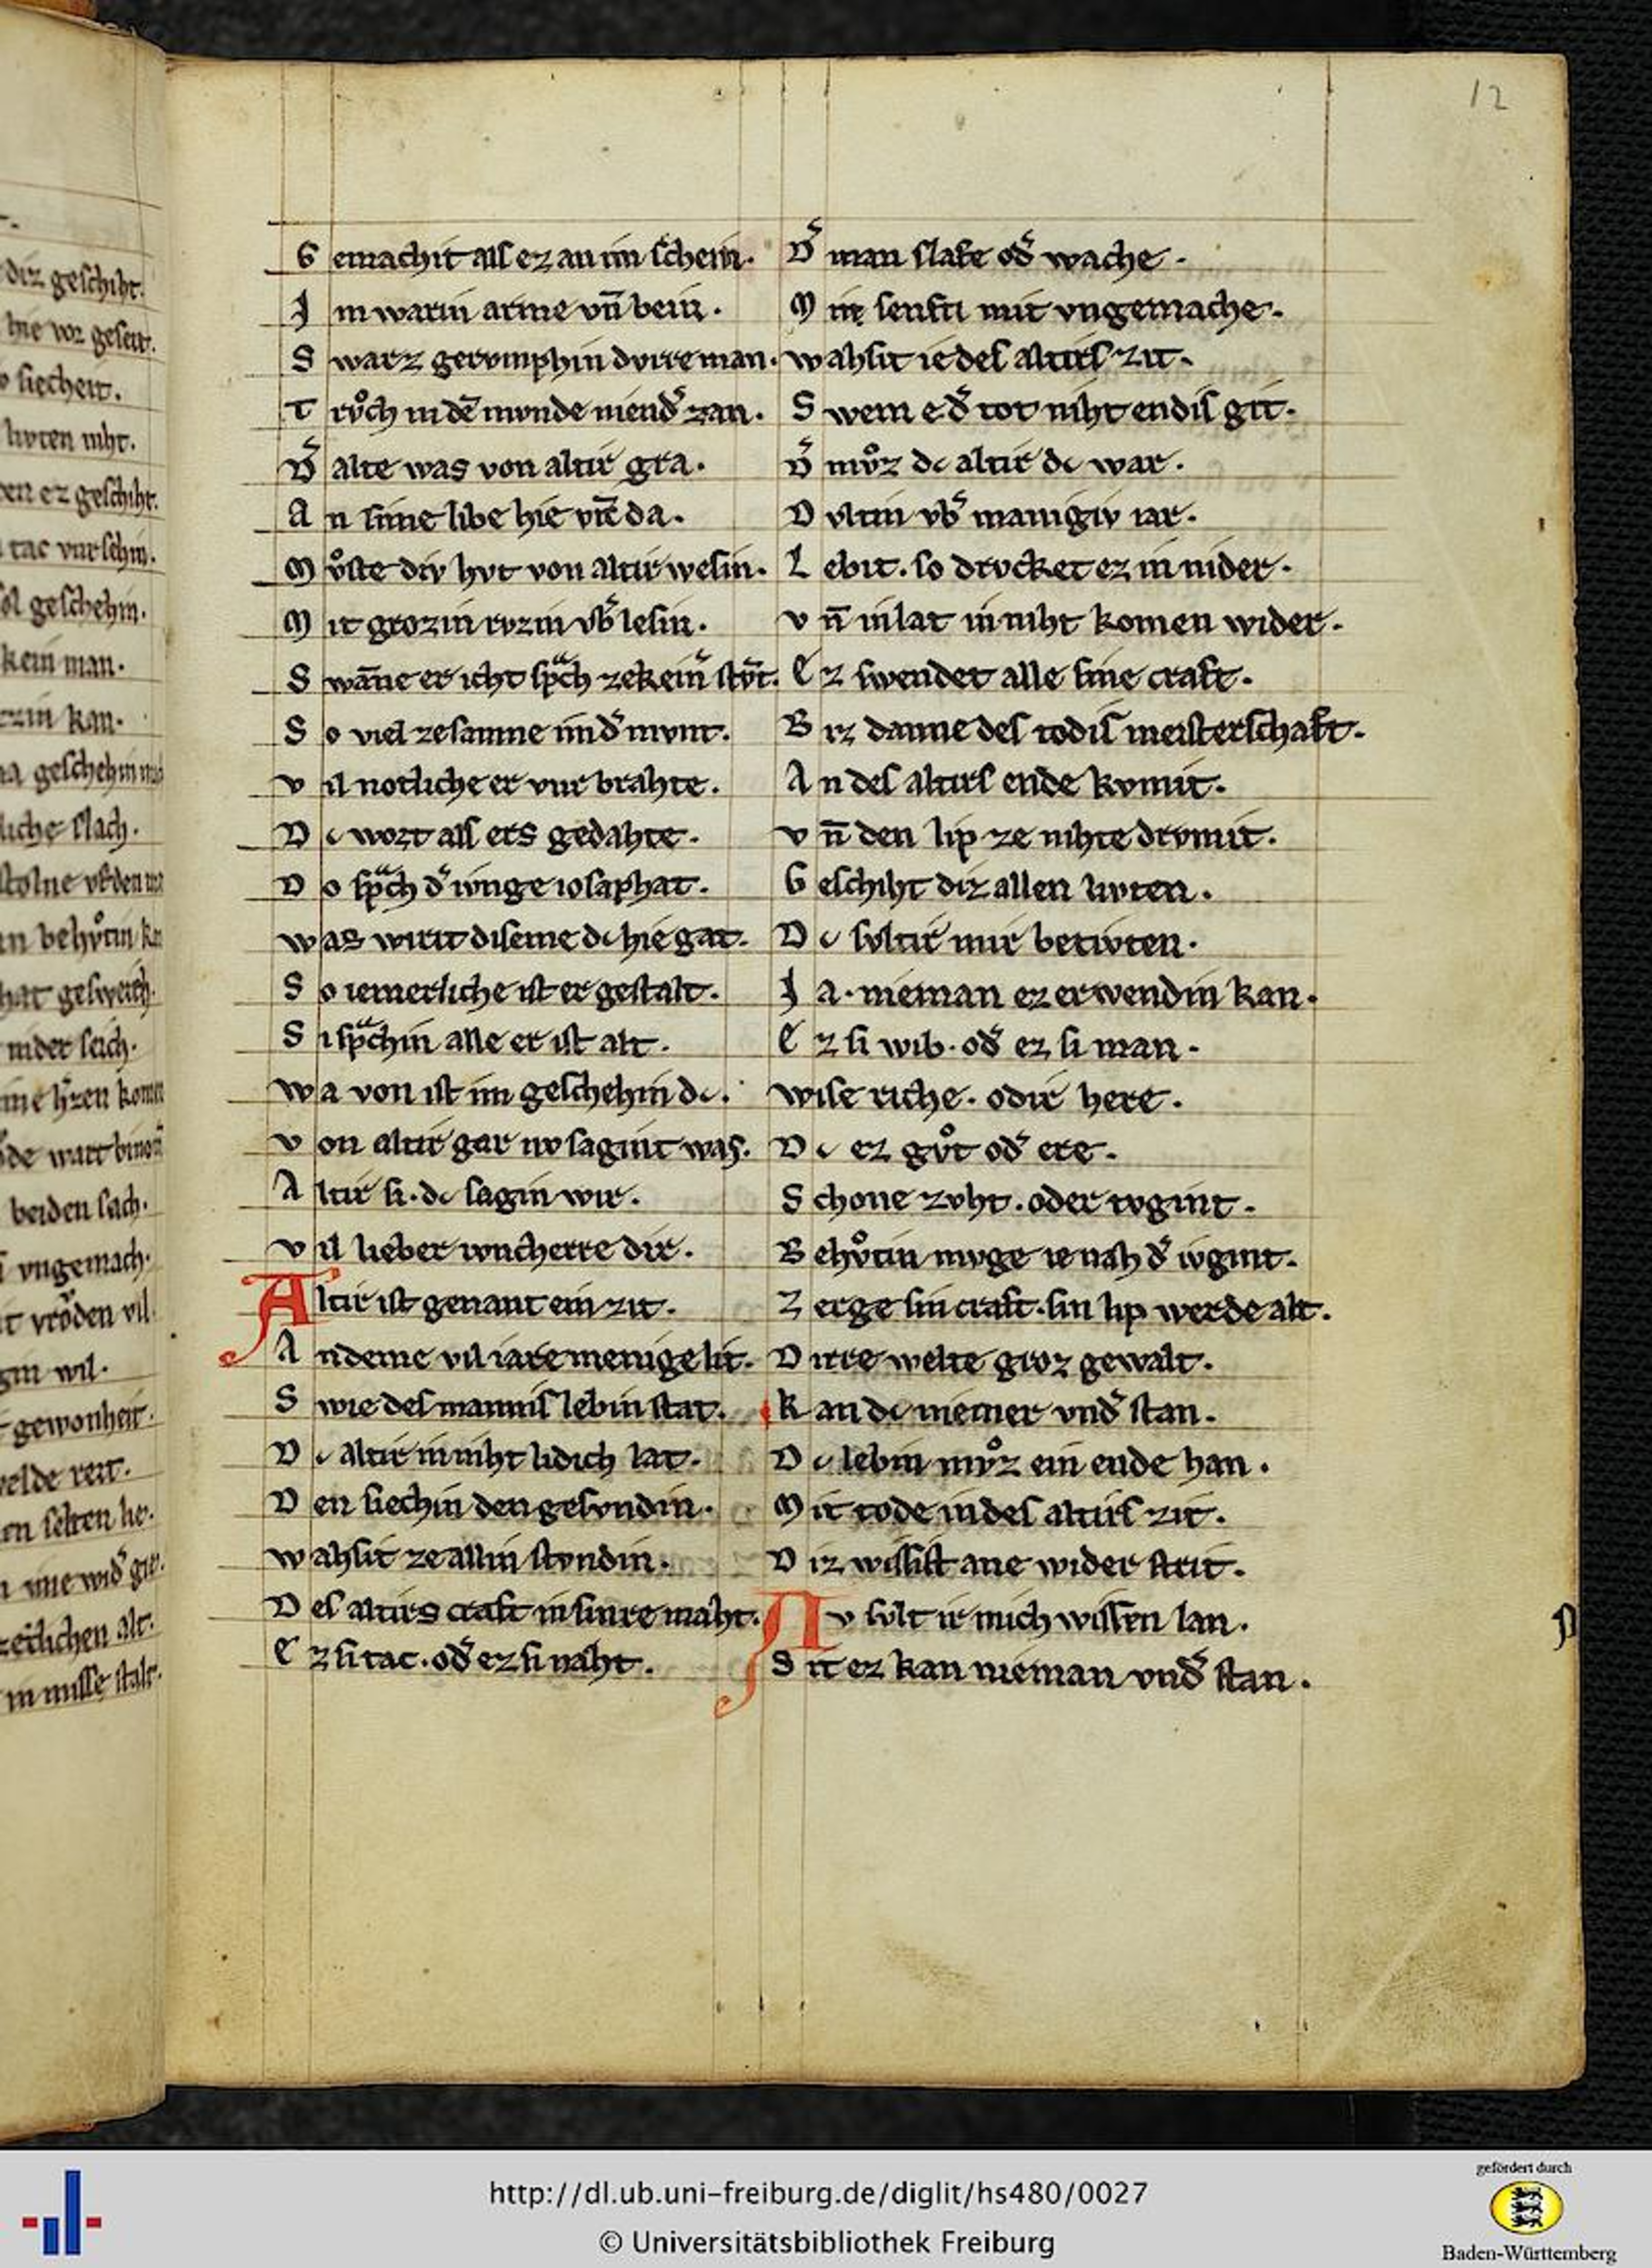Gemachit alſ ez an im ſchein.
Im warin arme vn(d) bein.
Swarz gervmphin dvrre man.
Trv°och in de(m) mvnde niend(er) zan.
D(er) alte was von altir gra.
An ſime libe hie vn(d) da.
Mv°oſte div hvt von altir weſin.
Mit grozin rvzin vb(er) leſin.
Swa(n)ne er icht sp(ra)ch zekein(er) ſtv(n)t.
So viel zeſamne im d(er) mvnt.
Vil notliche er vur brahte.
D(az) wort alſ ers gedahte.
Do ſp(ra)ch d(er) ivnge ioſaphat.
Was wirit diſeme d(az) hie gat.
So iemerliche iſt er geſtalt.
Si sp(ra)chin alle er iſt alt.
Wa von iſt im geſchehin d(az).
Von altir gar nv ſagint was.
Altir ſi. d(az) ſagin wir.
Vil lieber ivncherre dir.
*Altir iſt genant ein zit.
An deme vil iare menige lit.
Swie deſ manniſ lebin ſtat.
D(az) altir in niht lidich lat.
Den ſiechin den geſvndin.
Wahſit ze allin ſtvndin.
Deſ altirs craft in ſinre maht.
Ez ſi tac. od(er) ez ſi naht.
D(er) man ſlafe od(er) wache.
Mitt ſenfti mit vngemache.
Wahſit ie deſ altirſ zit.
Swem e d(er) tot niht endiſ git.
D(er) mv°oz d(az) altir d(az) war.
Dvltin vb(er) manigiv iar.
Lebit. ſo drvcket ez in nider.
Vn(d) inlat in niht komen wider.
Ez ſwendet alle ſine craft.
Biz danne deſ todiſ meiſterſchaft.
An deſ altirſ ende kvmit.
Vn(d) den lip ze nihte drvmit.
Geſchiht diz allen livten.
D(az) ſvltir mir betivten.
Ja. nieman ez erwendin kan.
Ez ſi wib. od(er) ez ſi man.
Wiſe riche. odir here.
D(az) ez gv°ot od(er) ere.
Schone zvht. oder tvgint.
Behv°otin mvge ie nah d(er) ivgint.
Zerge ſin craft. Sin lip werde alt.
Dirre welte groz gewalt.
Kan d(az) niemer vnd(er) ſtan.
D(az) lebin mv°oz ein ende han.
Mit tode in deſ altirſ zit.
Diz wiſſiſt ane wider ſtrit.
*Nv ſvlt ir mich wiſſen lan.
Sit ez kan nieman vnd(er) ſtan.